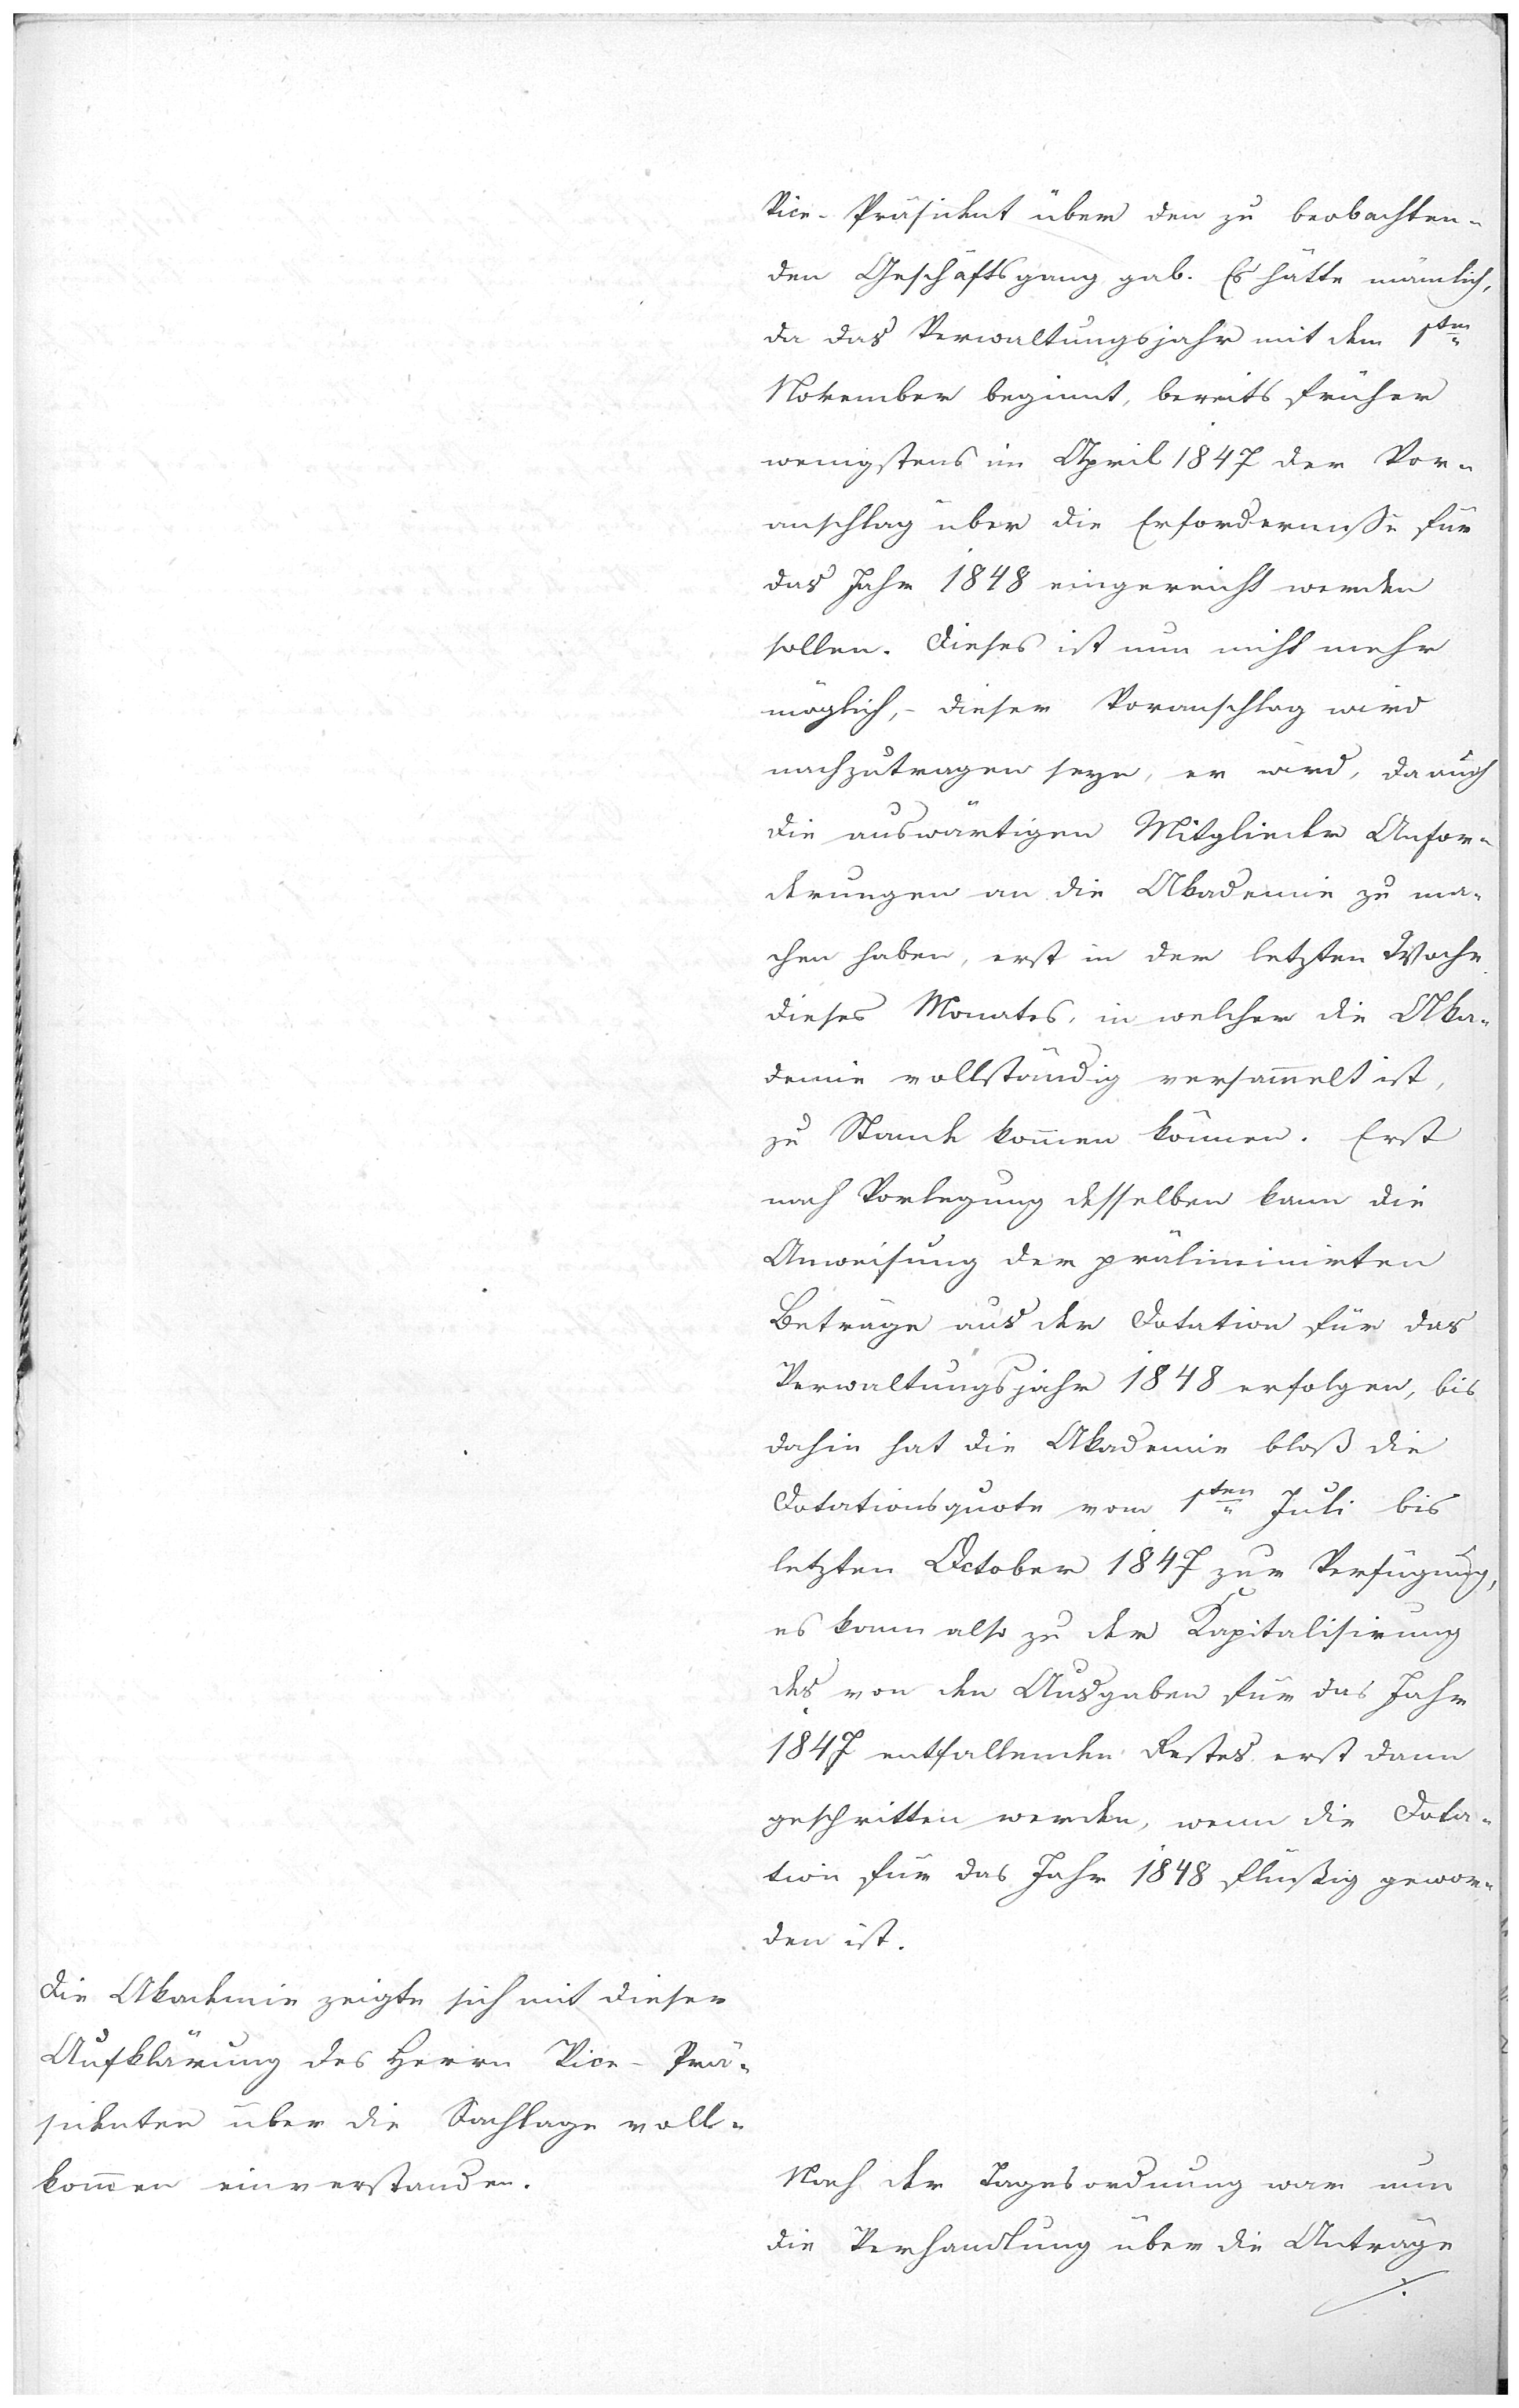Vice-Präsident über den zu beobachten-
den Geschäftsgang gab. Es hätte nämlich,
da das Verwaltungsjahr mit dem 1ten
November beginnt, bereits früher,
wenigstens im April 1847 der Vor-
anschlag über die Erfordernisse für
das Jahr 1848 eingereicht werden
sollen. Dieses ist nun nicht mehr
möglich, dieser Voranschlag wird
nachzutragen seyn, er wird, da auch
die auswärtigen Mitglieder Anfor-
derungen an die Akademie zu ma-
chen haben, erst in der letzten Woche
dieses Monates, in welcher die Aka-
demie vollständig versammelt ist,
zu Stande kommen können. Erst
nach Vorlegung desselben kann die
Anweisung der präliminirten
Beträge aus der Dotation für das
Verwaltungsjahr 1848 erfolgen, bis
dahin hat die Akademie bloß die
Dotationsquote vom 1ten Juli bis
letzten October 1847 zur Verfügung,
es kann also zu der Kapitalisirung
des von den Ausgaben für das Jahr
1847 entfallenden Restes erst dann
geschritten werden, wenn die Dota-
tion für das Jahr 1848 flüßig gewor-
den ist.
Die Akademie zeigte sich mit dieser
Aufklärung des Herrn Vice-Prä-
sidenten über die Sachlage voll-
kommen einverstanden.
Nach der Tagesordnung war nun
die Verhandlung über die Anträge